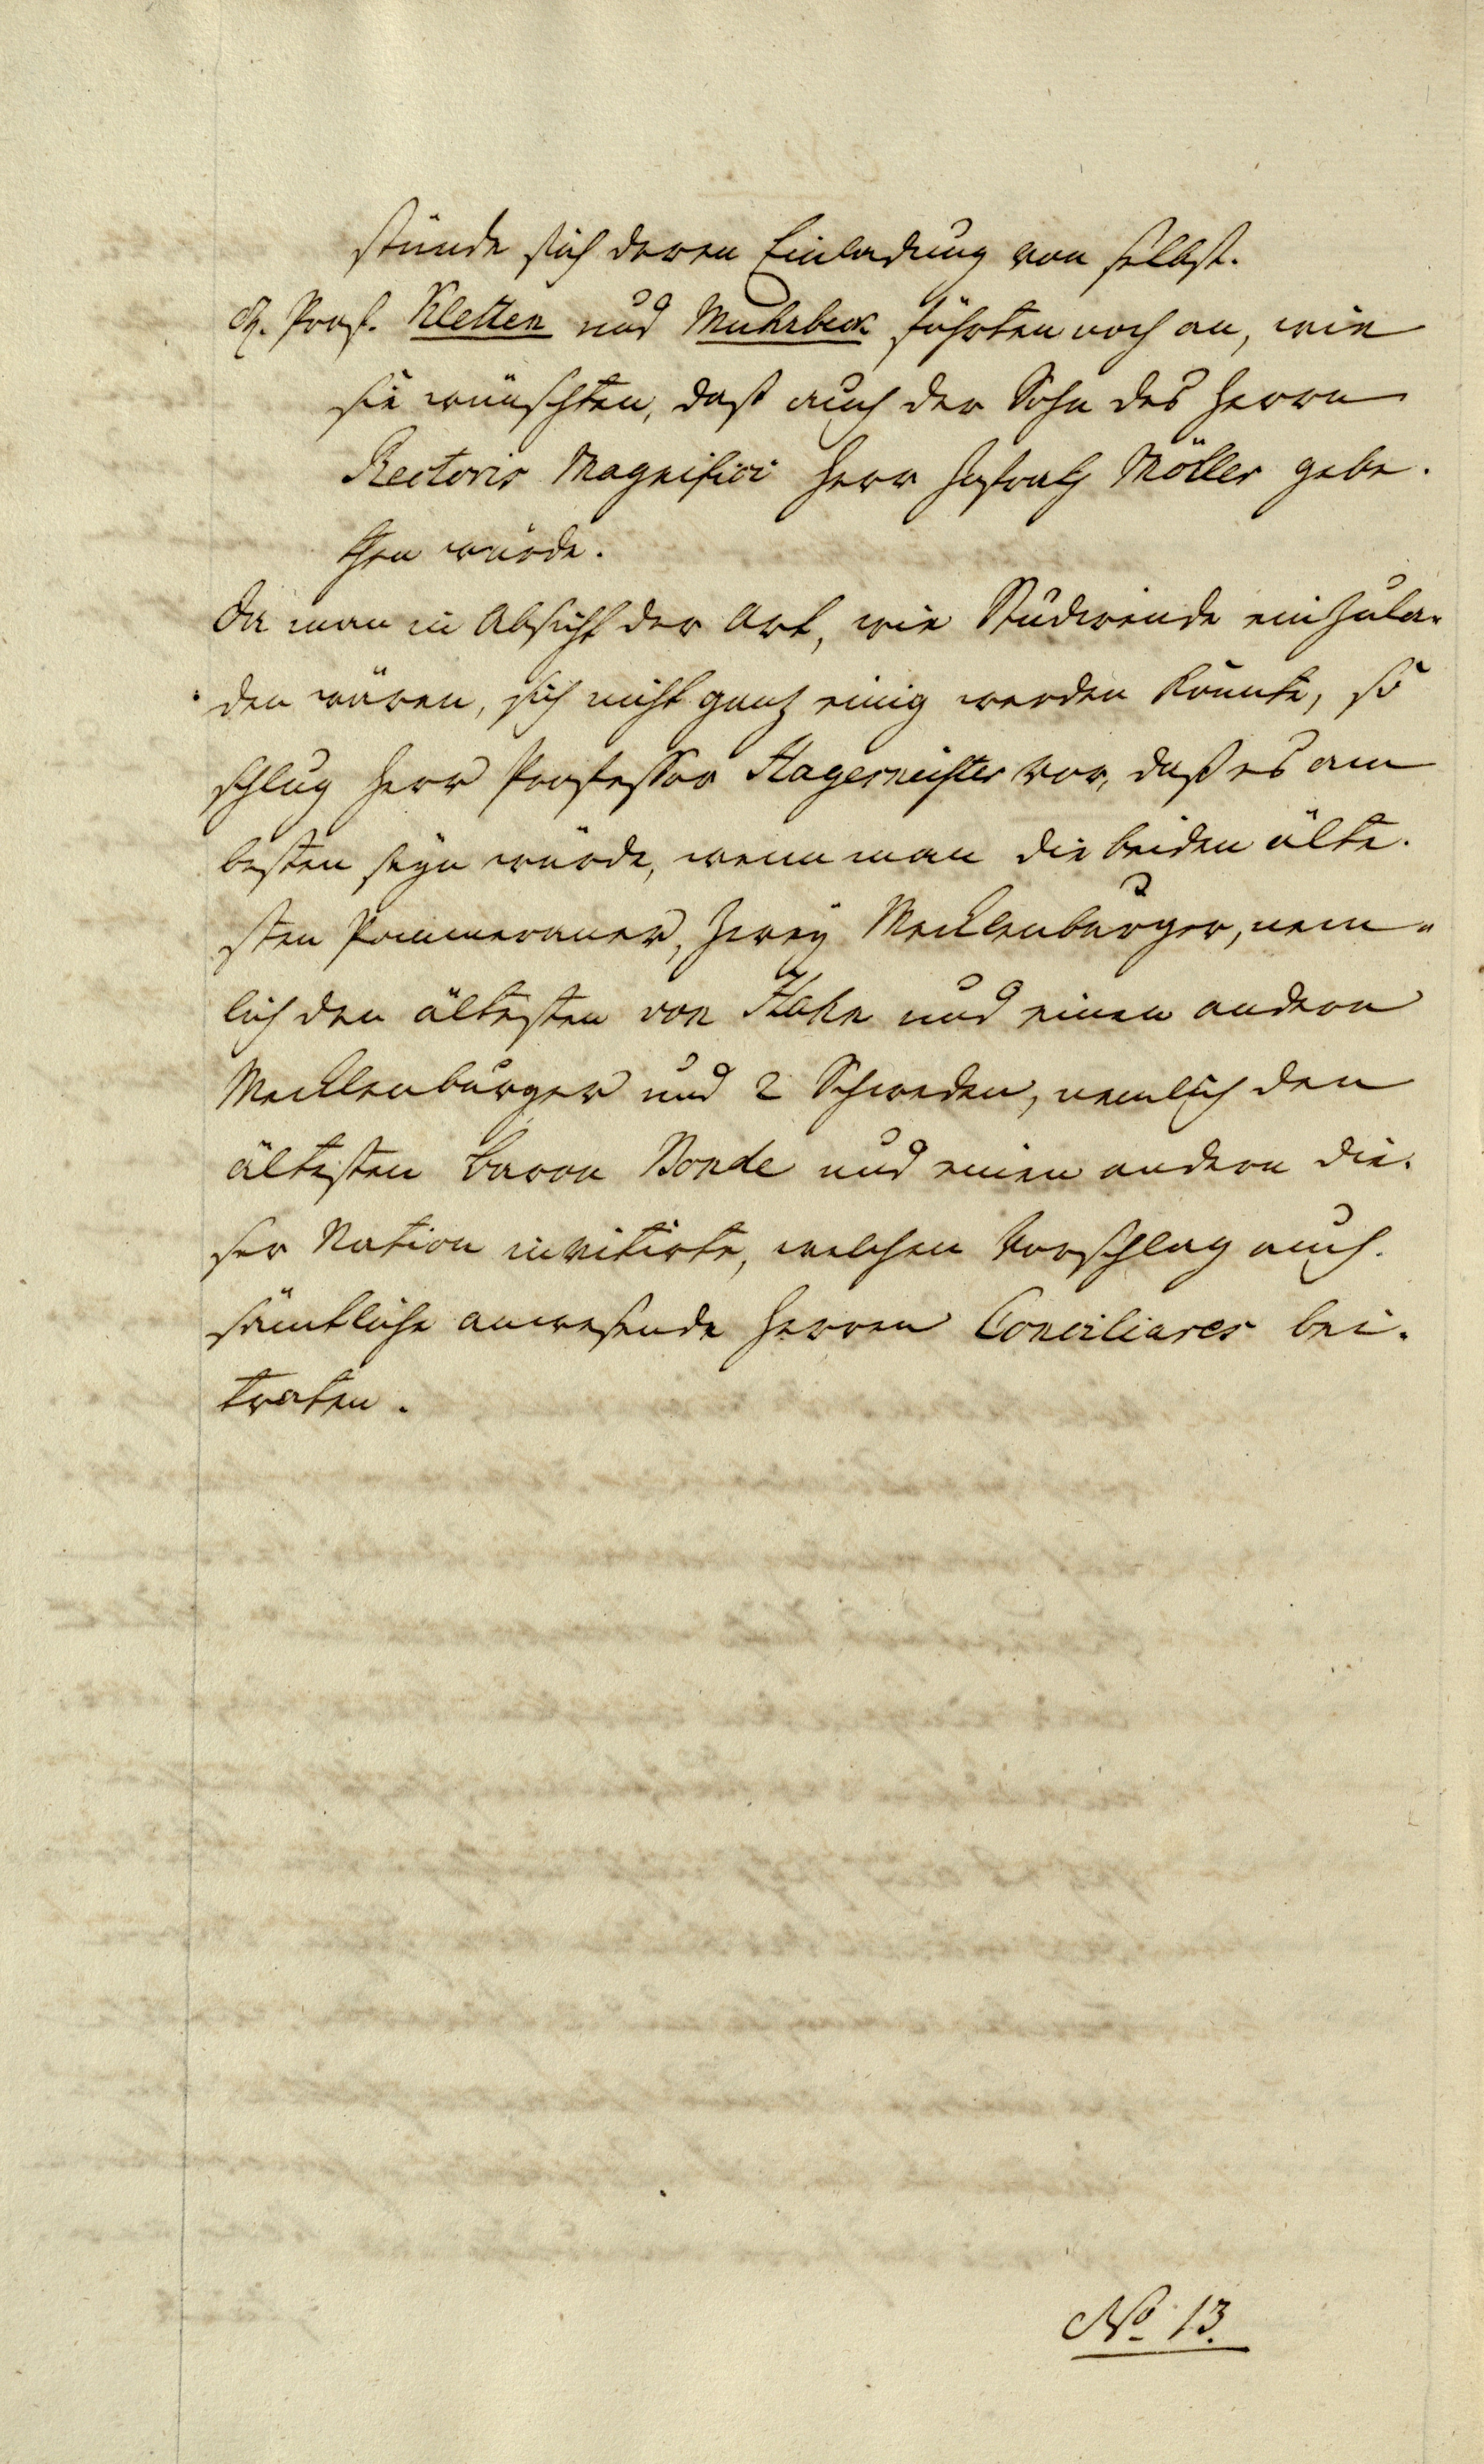stünde sich deren Einladung von selbst.
dh. Prof. Kletten und Muhrbeck führten noch an, wie
sie wünschten, daß auch der Sohn des Herrn
Rector Magnifici Herr Hofrath Möller gebe¬
then würde.
Da man in Absicht der Art, wie Studirende einzula¬
den wären, sich nicht ganz einig werden könnte, so
schlug Herr Professor Hagemeister vor, daß es am
besten seÿn würde, wem man die beiden älte¬
sten Pommeraner, zweÿ Mecklenburger, nem¬
lich den ältesten von Hahn und einen andern
Mecklenburger und 2 Schweden, nemlich den
ältesten baron Bonde und einen andern die¬
ser Nation invitirte, welchen Vorschlag auch
sämtliche anwesende Herren Conciliares bei¬
traten.